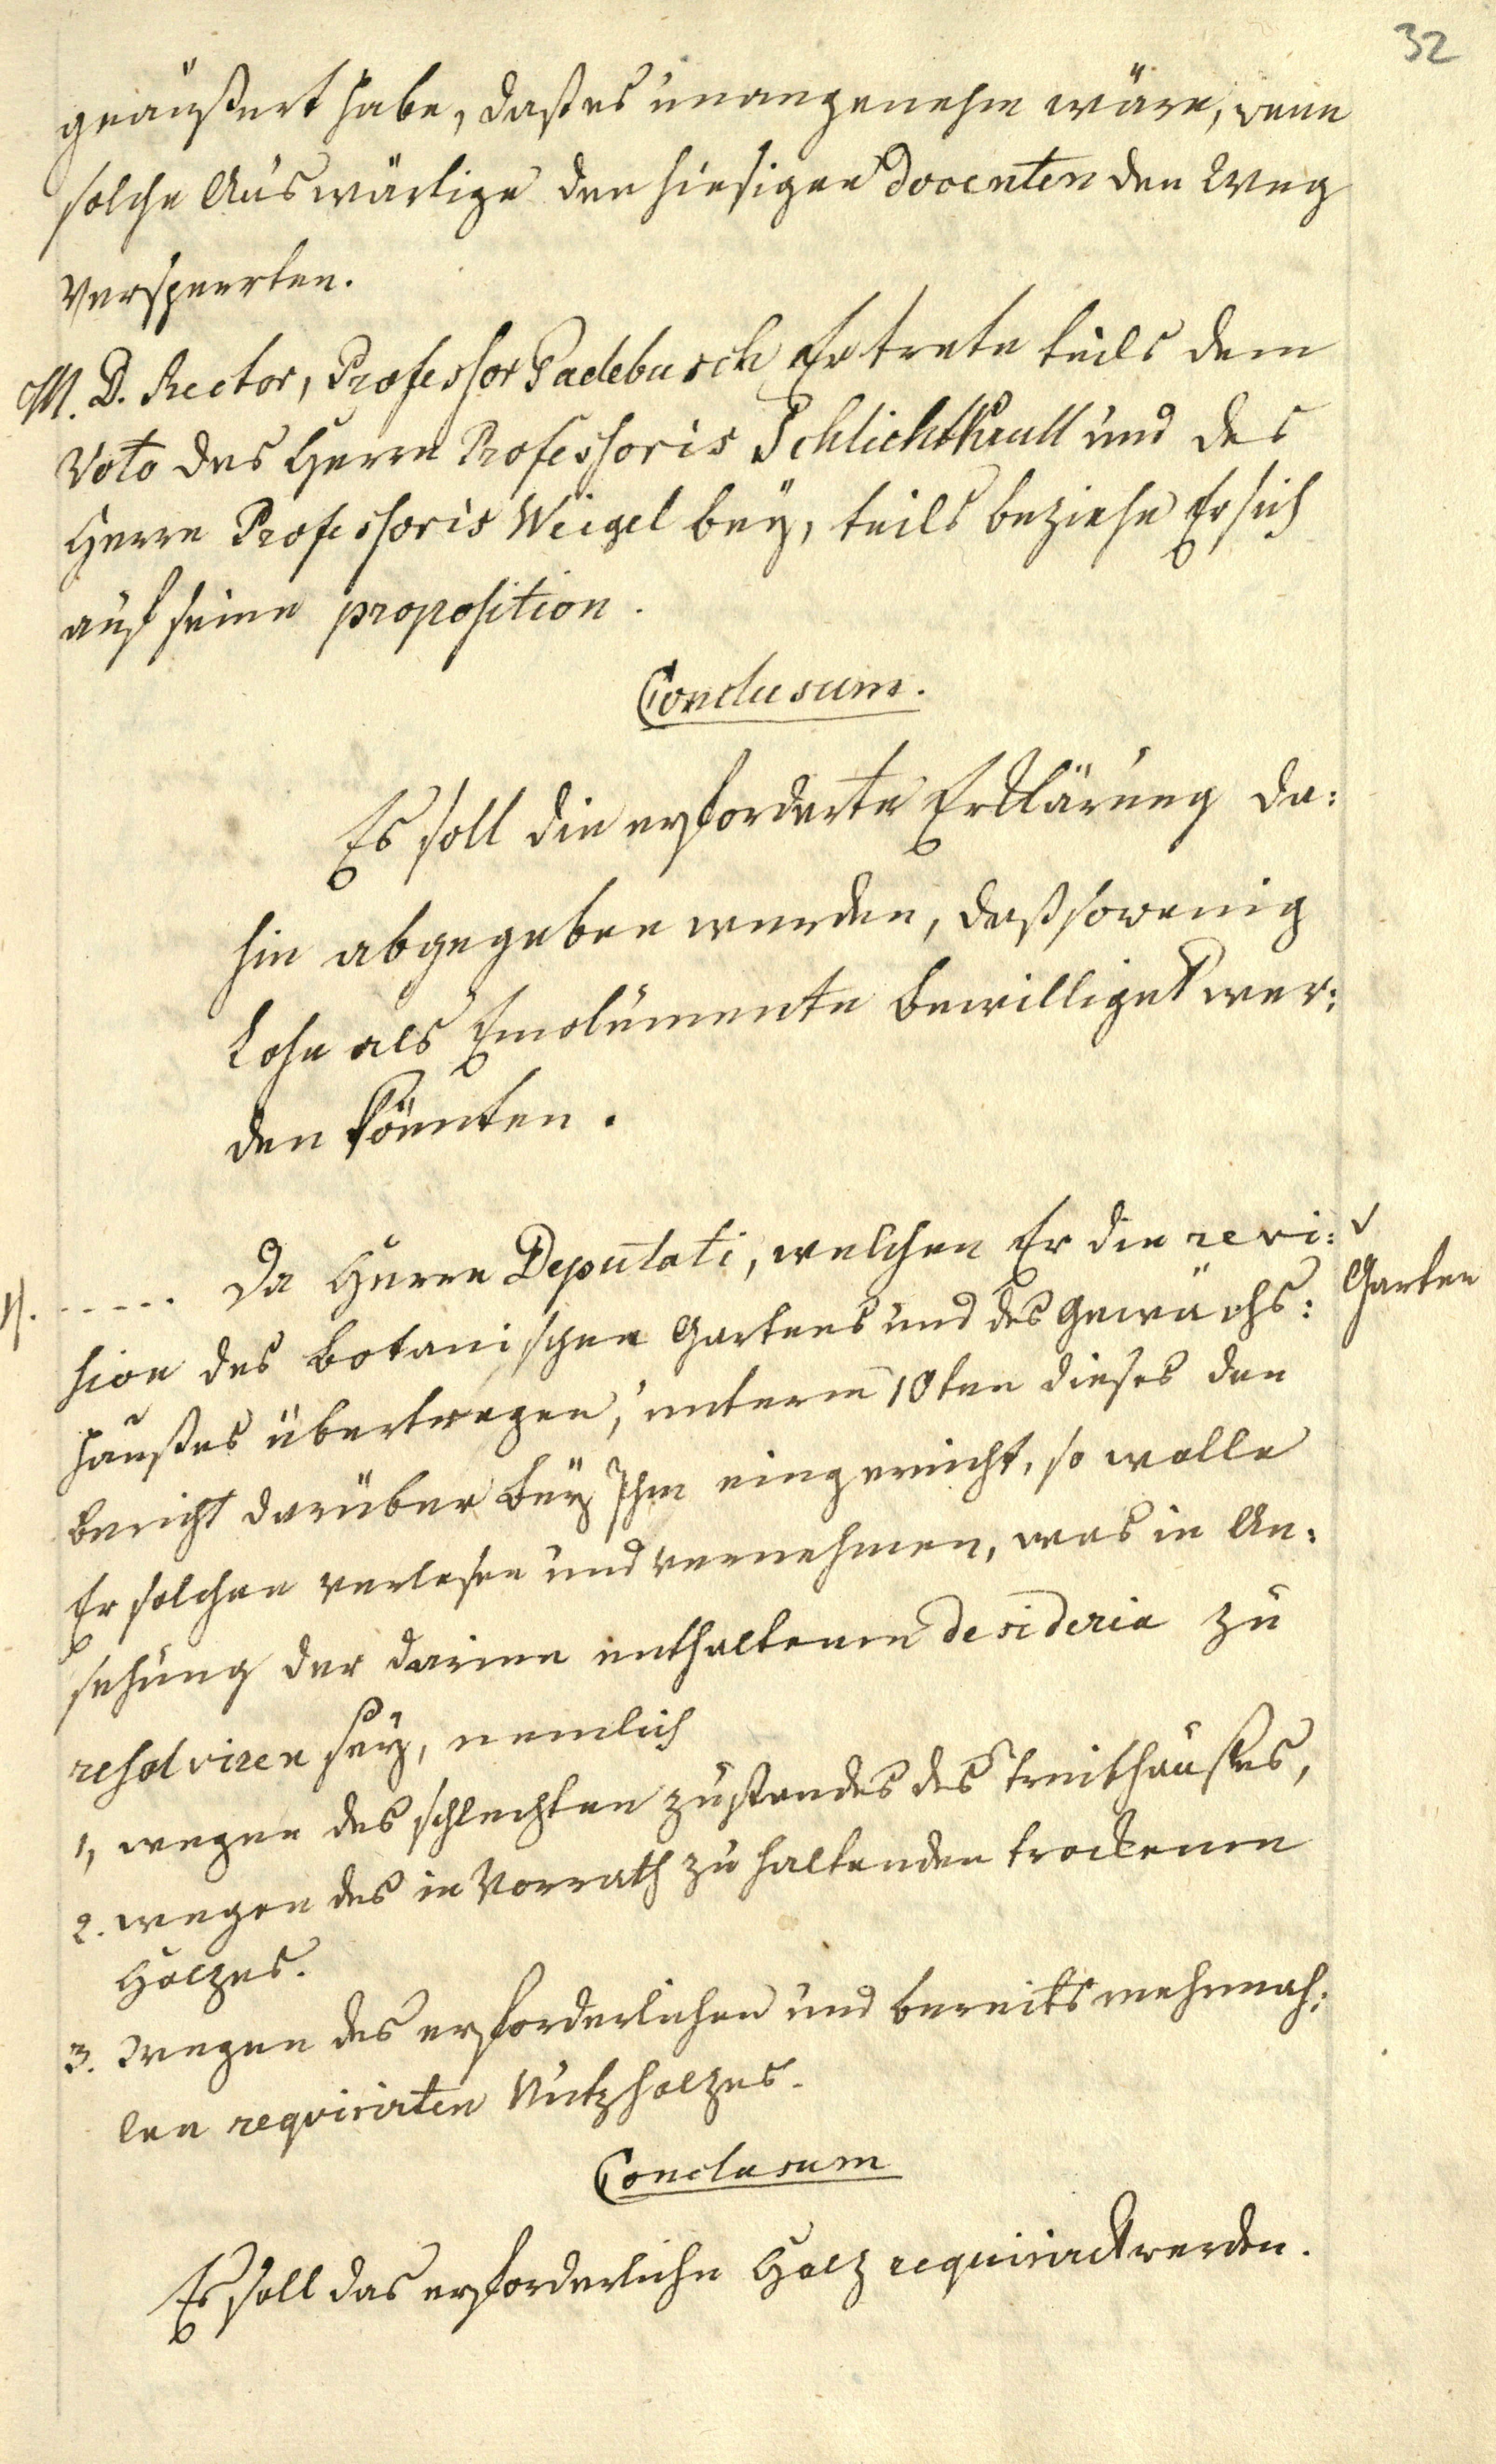geäußert habe, daß es unangenehm wäre, wenn
solche Auswärtige den hiesigen Docenten den Weg
versperrten.
M. D. Rector, Professor Gadebusch Er trete teils dem
Voto das Herrn Professoris Schlichtkrull und des
Herrn Professoris Weigel beÿ, teils beziehe Er sich
auf seine proposition.
Conclusum
Es soll die erforderte Erklärung da¬
hin abgegeben werden, daß sowenig
Lohn als Emolumente bewilliget wer¬
den könnten.
4. Da Herrn Deputati, welchen Er die revi¬
sion des botanischen Gartens und des Gewächs¬
haußes übertragen, unterm 10ten dieses den
Bericht darüber beÿ Ihm eingereicht, so wolle
Er solchen verlesen und vernehmen, was in An¬
sehung der darinn enthaltenen desideria zu
resolviren seÿ, nemlich
1, wegen des schlechten zustandes des Treibhaußes
2. wegen des in Vorrath zu haltenden trockenen
Holzes.
3. wegen des erforderlichen und bereits mehrmah¬
len requirirten Nutzholzes.
Conclusum
Es soll das erforderliche Holz requiriret werden.